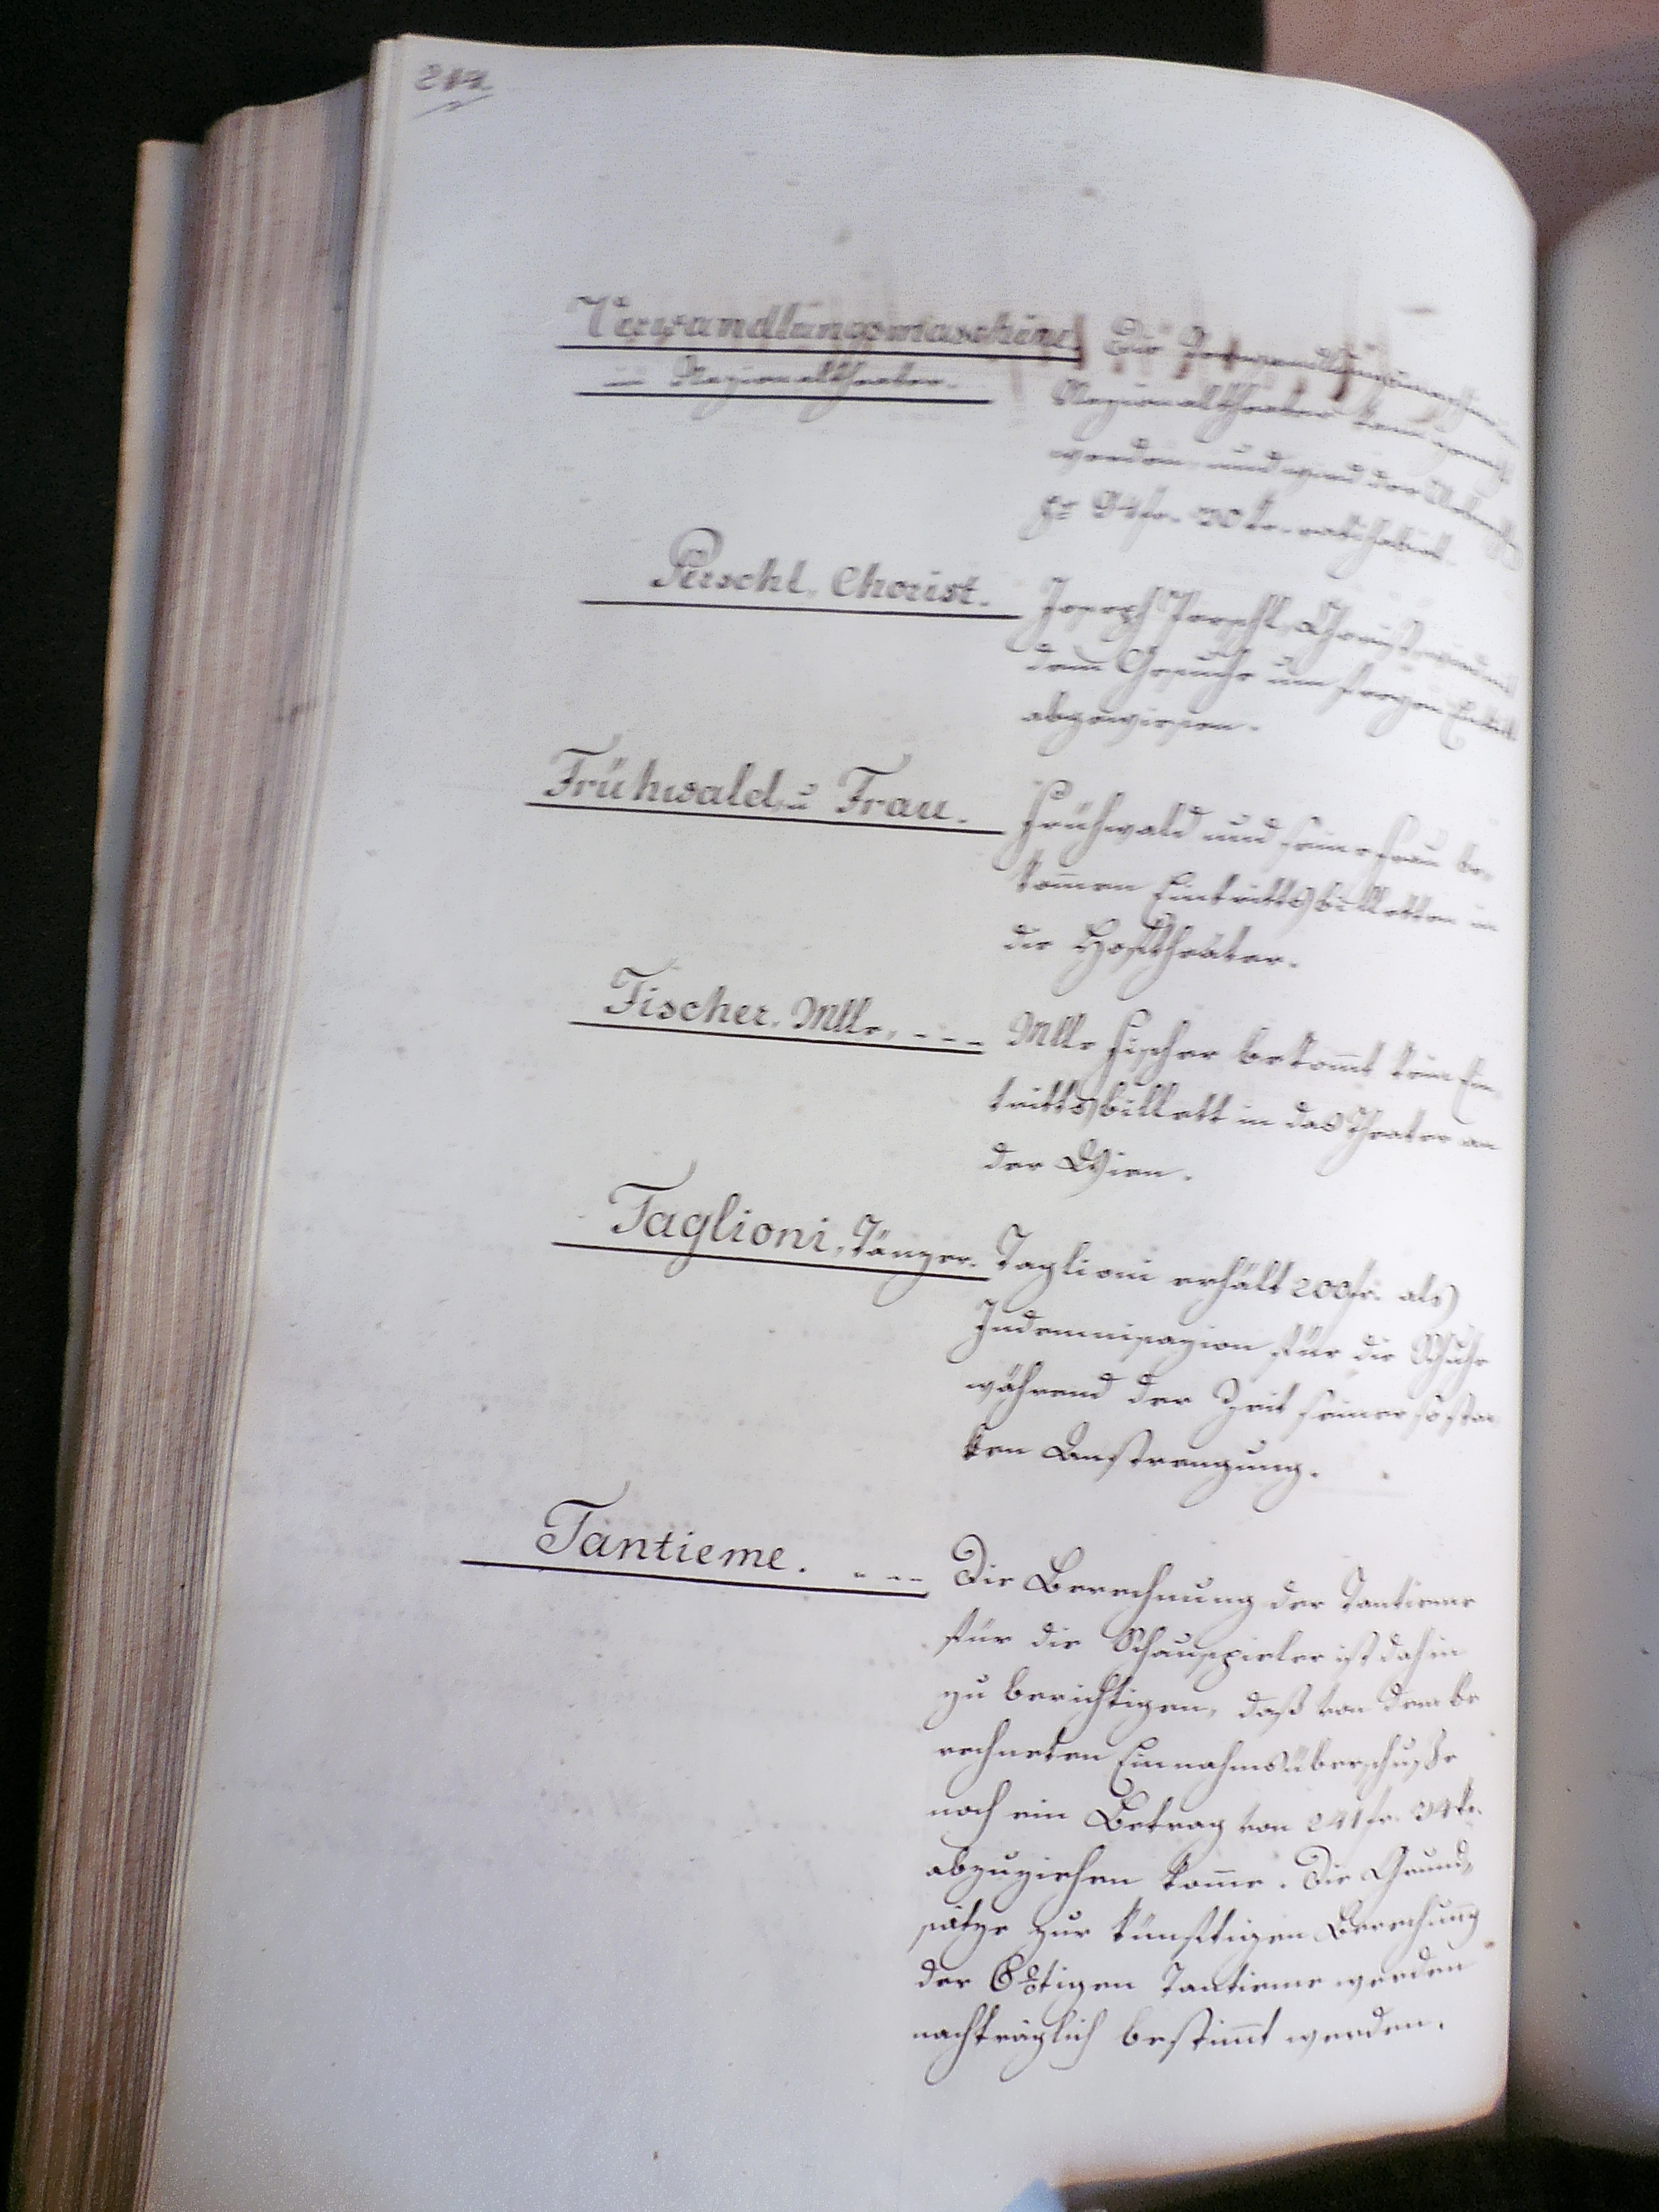214.
Verwandlungsmaschine
im Nazionaltheater.
Die Verwandlungsmaschine im
Nazionaltheater kann gemacht
werden, und wird der Ueberschlag
pr͇ 94fr. 30kr. ratihabirt.
Perschl, Chorist. Joseph Perschl, Chorist wird mit
dem Gesuche um freyen Eintritt
abgewiesen.
Frühwald u Frau. Frühwald und seine Frau be
kom̅en Eintrittsbilletten in
die Hofheater.
Fischer, Mlle, .. .. .. Mlle Fischer bekom̅t keine Ein¬
trittsbillett in das Theater an
der Wien.
Taglioni, Tänzer. Taglioni erhält 200fr. als
Indemnisazion für die Stücke
während der Zeit seiner so star¬
ken Anstrengung.
Tantieme. .. .. .. .. Die Berechnung der Tantieme
für die Schauspieler ist dafür
zu berichtigen, daß von dem be¬
rechneten Einnahmsüberschuße
noch ein Betrag von 241fr. 34kr.
abzuziehen kom̅e. Die Grund¬
sätze zur künftigen Berechnung
der 6%tigen Tantieme werden
nachträglich bestim̅t werden.